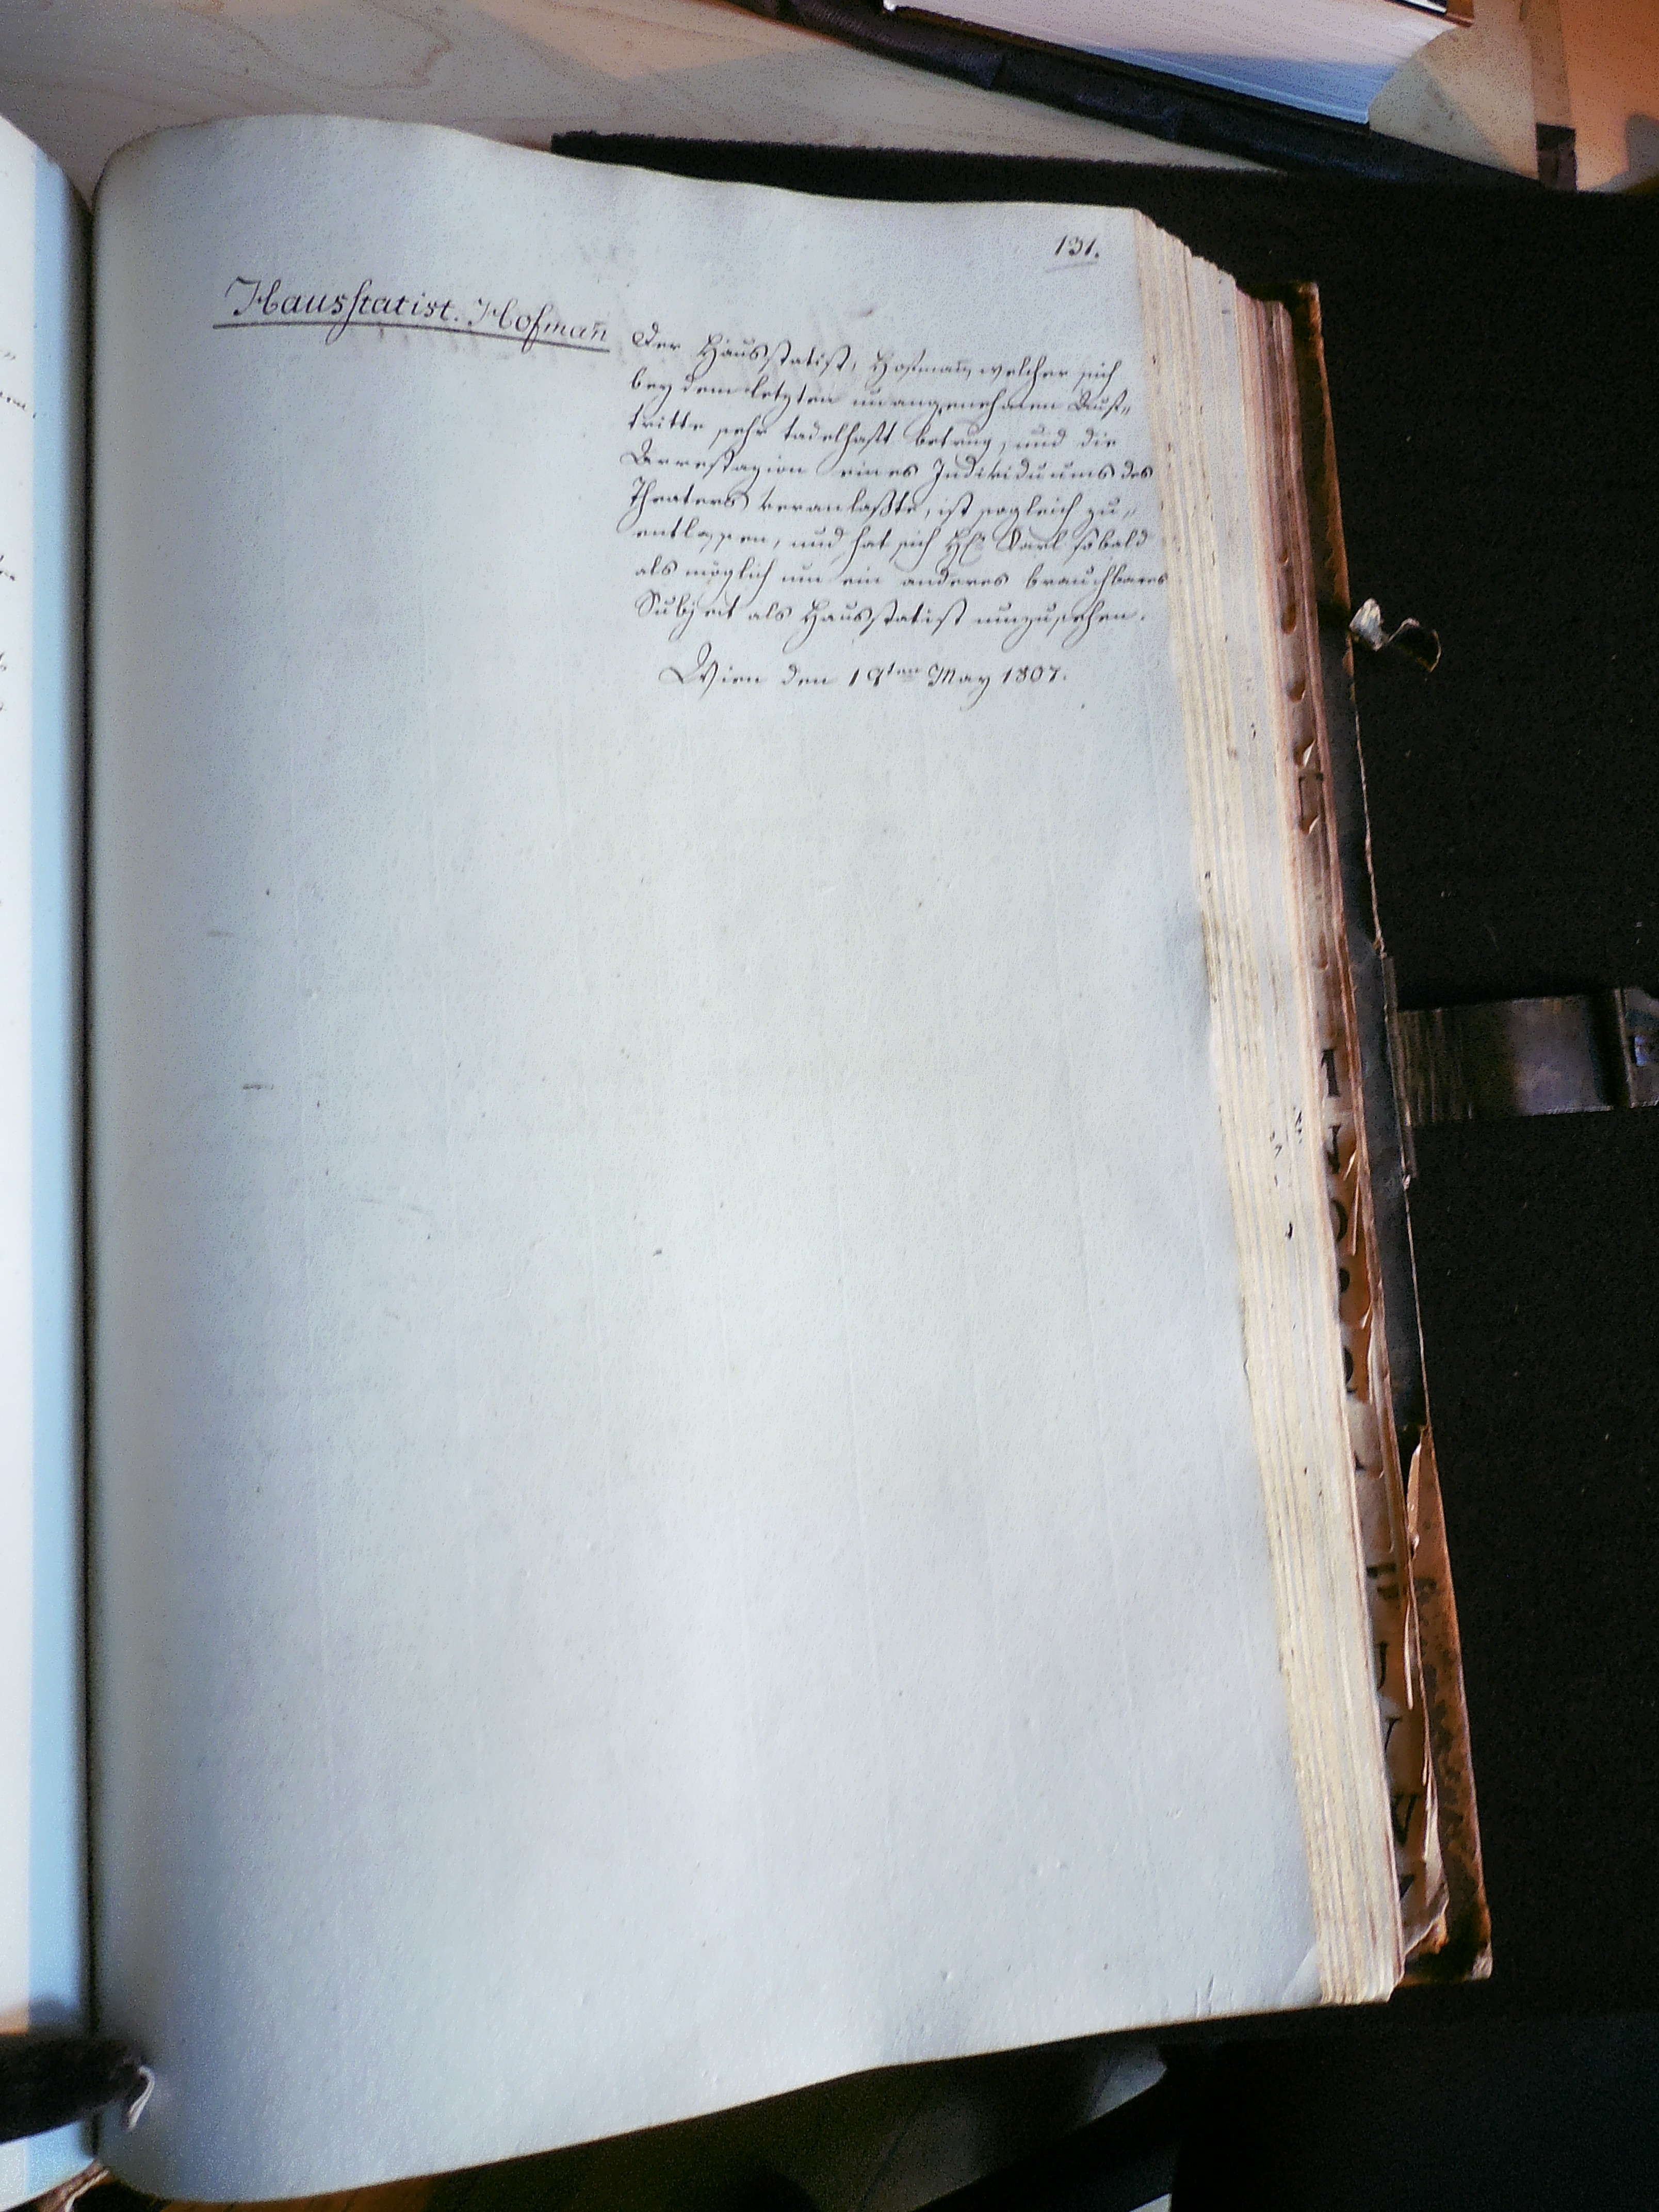131.
Hausstatist. Hofman Der Hausstatist, Hofman, welcher sich
bey dem letzten unangenehmen Auf¬
tritte sehr tadelhaft betrug, und die
Arrestazion eines Individuums des
Theaters veranlaßte, ist sogleich zu¬
entlassen, und hat sich HEr͇ Karl sobald
als möglich um ein anderes brauchbares
Subject als Hausstatist umzusehen.
Wien den 19te͇n May 1807.